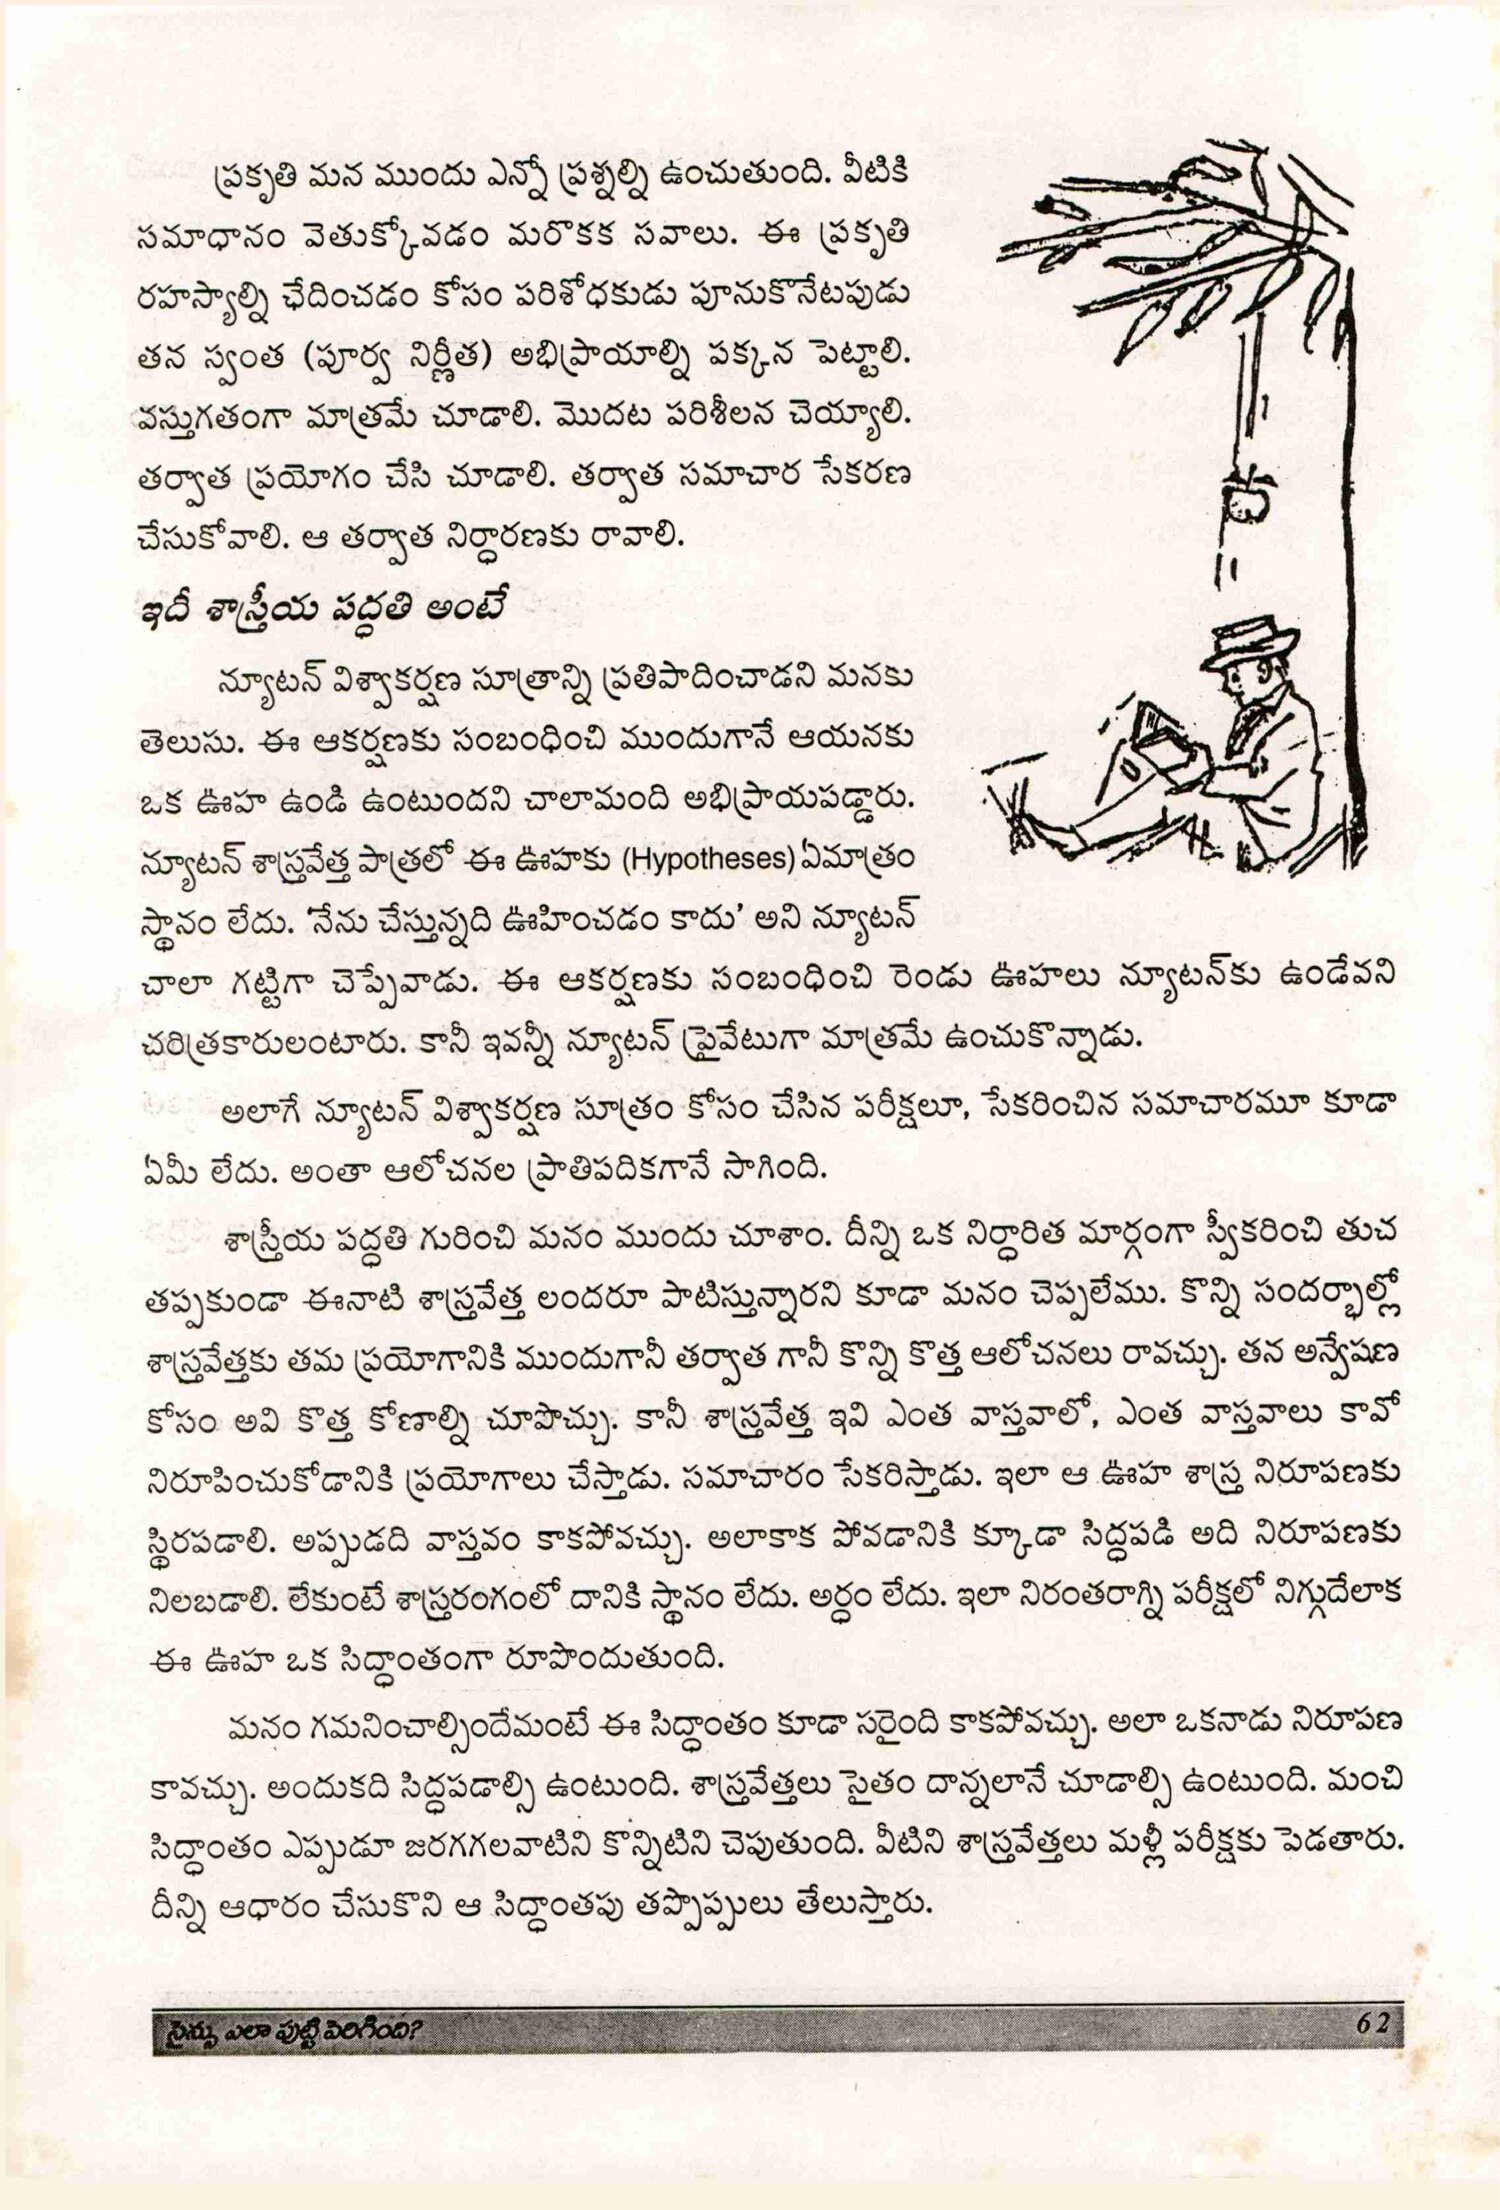ప్రకృతి మన ముందు ఎన్నో ప్రశ్నల్ని ఉంచుతుంది. వీటికి సమాధానం వెతుక్కోవడం మరొకక సవాలు. ఈ ప్రకృతి
రహస్యాల్ని ఛేదించడం కోసం పరిశోధకుడు పూనుకొనేటపుడు తన స్వంత (పూర్వ నిర్ణీత) అభిప్రాయాల్ని పక్కన పెట్టాలి. వస్తుగతంగా మాత్రమే చూడాలి. మొదట పరిశీలన చెయ్యాలి. తర్వాత ప్రయోగం చేసి చూడాలి. తర్వాత సమాచార సేకరణ చేసుకోవాలి. ఆ తర్వాత నిర్ధారణకు రావాలి.

ఇదీ శాస్త్రీయ పద్ధతి అంటే

న్యూటన్ విశ్వాకర్షణ సూత్రాన్ని ప్రతిపాదించాడని మనకు తెలుసు. ఈ ఆకర్షణకు సంబంధించి ముందుగానే ఆయనకు ఒక ఊహ ఉండి ఉంటుందని చాలామంది అభిప్రాయపడ్డారు. న్యూటన్ శాస్త్రవేత్త పాత్రలో ఈ ఊహకు (Hypotheses) ఏమాత్రం స్థానం లేదు. 'నేను చేస్తున్నది ఊహించడం కాదు' అని న్యూటన్ చాలా గట్టిగా చెప్పేవాడు. ఈ ఆకర్షణకు సంబంధించి రెండు ఊహలు న్యూటన్‌కు ఉండేవని చరిత్రకారులంటారు. కానీ ఇవన్నీ న్యూటన్ ప్రైవేటుగా మాత్రమే ఉంచుకొన్నాడు.

అలాగే న్యూటన్ విశ్వాకర్షణ సూత్రం కోసం చేసిన పరీక్షలూ, సేకరించిన సమాచారమూ కూడా ఏమీ లేదు. అంతా ఆలోచనల ప్రాతిపదికగానే సాగింది.

శాస్త్రీయ పద్దతి గురించి మనం ముందు చూశాం. దీన్ని ఒక నిర్ధారిత మార్గంగా స్వీకరించి తూచ తప్పకుండా ఈనాటి శాస్త్రవేత్త లందరూ పాటిస్తున్నారని కూడా మనం చెప్పలేము. కొన్ని సందర్భాల్లో శాస్త్రవేత్తకు తమ ప్రయోగానికి ముందుగానీ తర్వాత గానీ కొన్ని కొత్త ఆలోచనలు రావచ్చు. తన అన్వేషణకోసం అవి కొత్త కోణాల్ని చూపొచ్చు. కానీ శాస్త్రవేత్త ఇవి ఎంత వాస్తవాలో, ఎంత వాస్తవాలు కావో నిరూపించుకోడానికి ప్రయోగాలు చేస్తాడు. సమాచారం సేకరిస్తాడు. ఇలా ఆ ఊహ శాస్త్ర నిరూపణకు స్థిరపడాలి. అప్పుడది వాస్తవం కాకపోవచ్చు. అలాకాక పోవడానికి క్కూడా సిద్దపడి అది నిరూపణకు నిలబడాలి. లేకుంటే శాస్త్రరంగంలో దానికి స్థానం లేదు. అర్ధం లేదు. ఇలా నిరంతరాగ్ని పరీక్షలో నిగ్గుదేలాక ఈ ఊహ ఒక సిద్ధాంతంగా రూపొందుతుంది.

మనం గమనించాల్సిందేమంటే ఈ సిద్ధాంతం కూడా సరైంది కాకపోవచ్చు. అలా ఒకనాడు నిరూపణ కావచ్చు. అందుకది సిద్ధపడాల్సి ఉంటుంది. శాస్త్రవేత్తలు సైతం దాన్నలానే చూడాల్సి ఉంటుంది. మంచి సిద్ధాంతం ఎప్పుడూ జరగగలవాటిని కొన్నిటిని చెపుతుంది. వీటిని శాస్త్రవేత్తలు మళ్లీ పరీక్షకు పెడతారు. దీన్ని ఆధారం చేసుకొని ఆ సిద్ధాంతపు తప్పొప్పులు తేలుస్తారు.